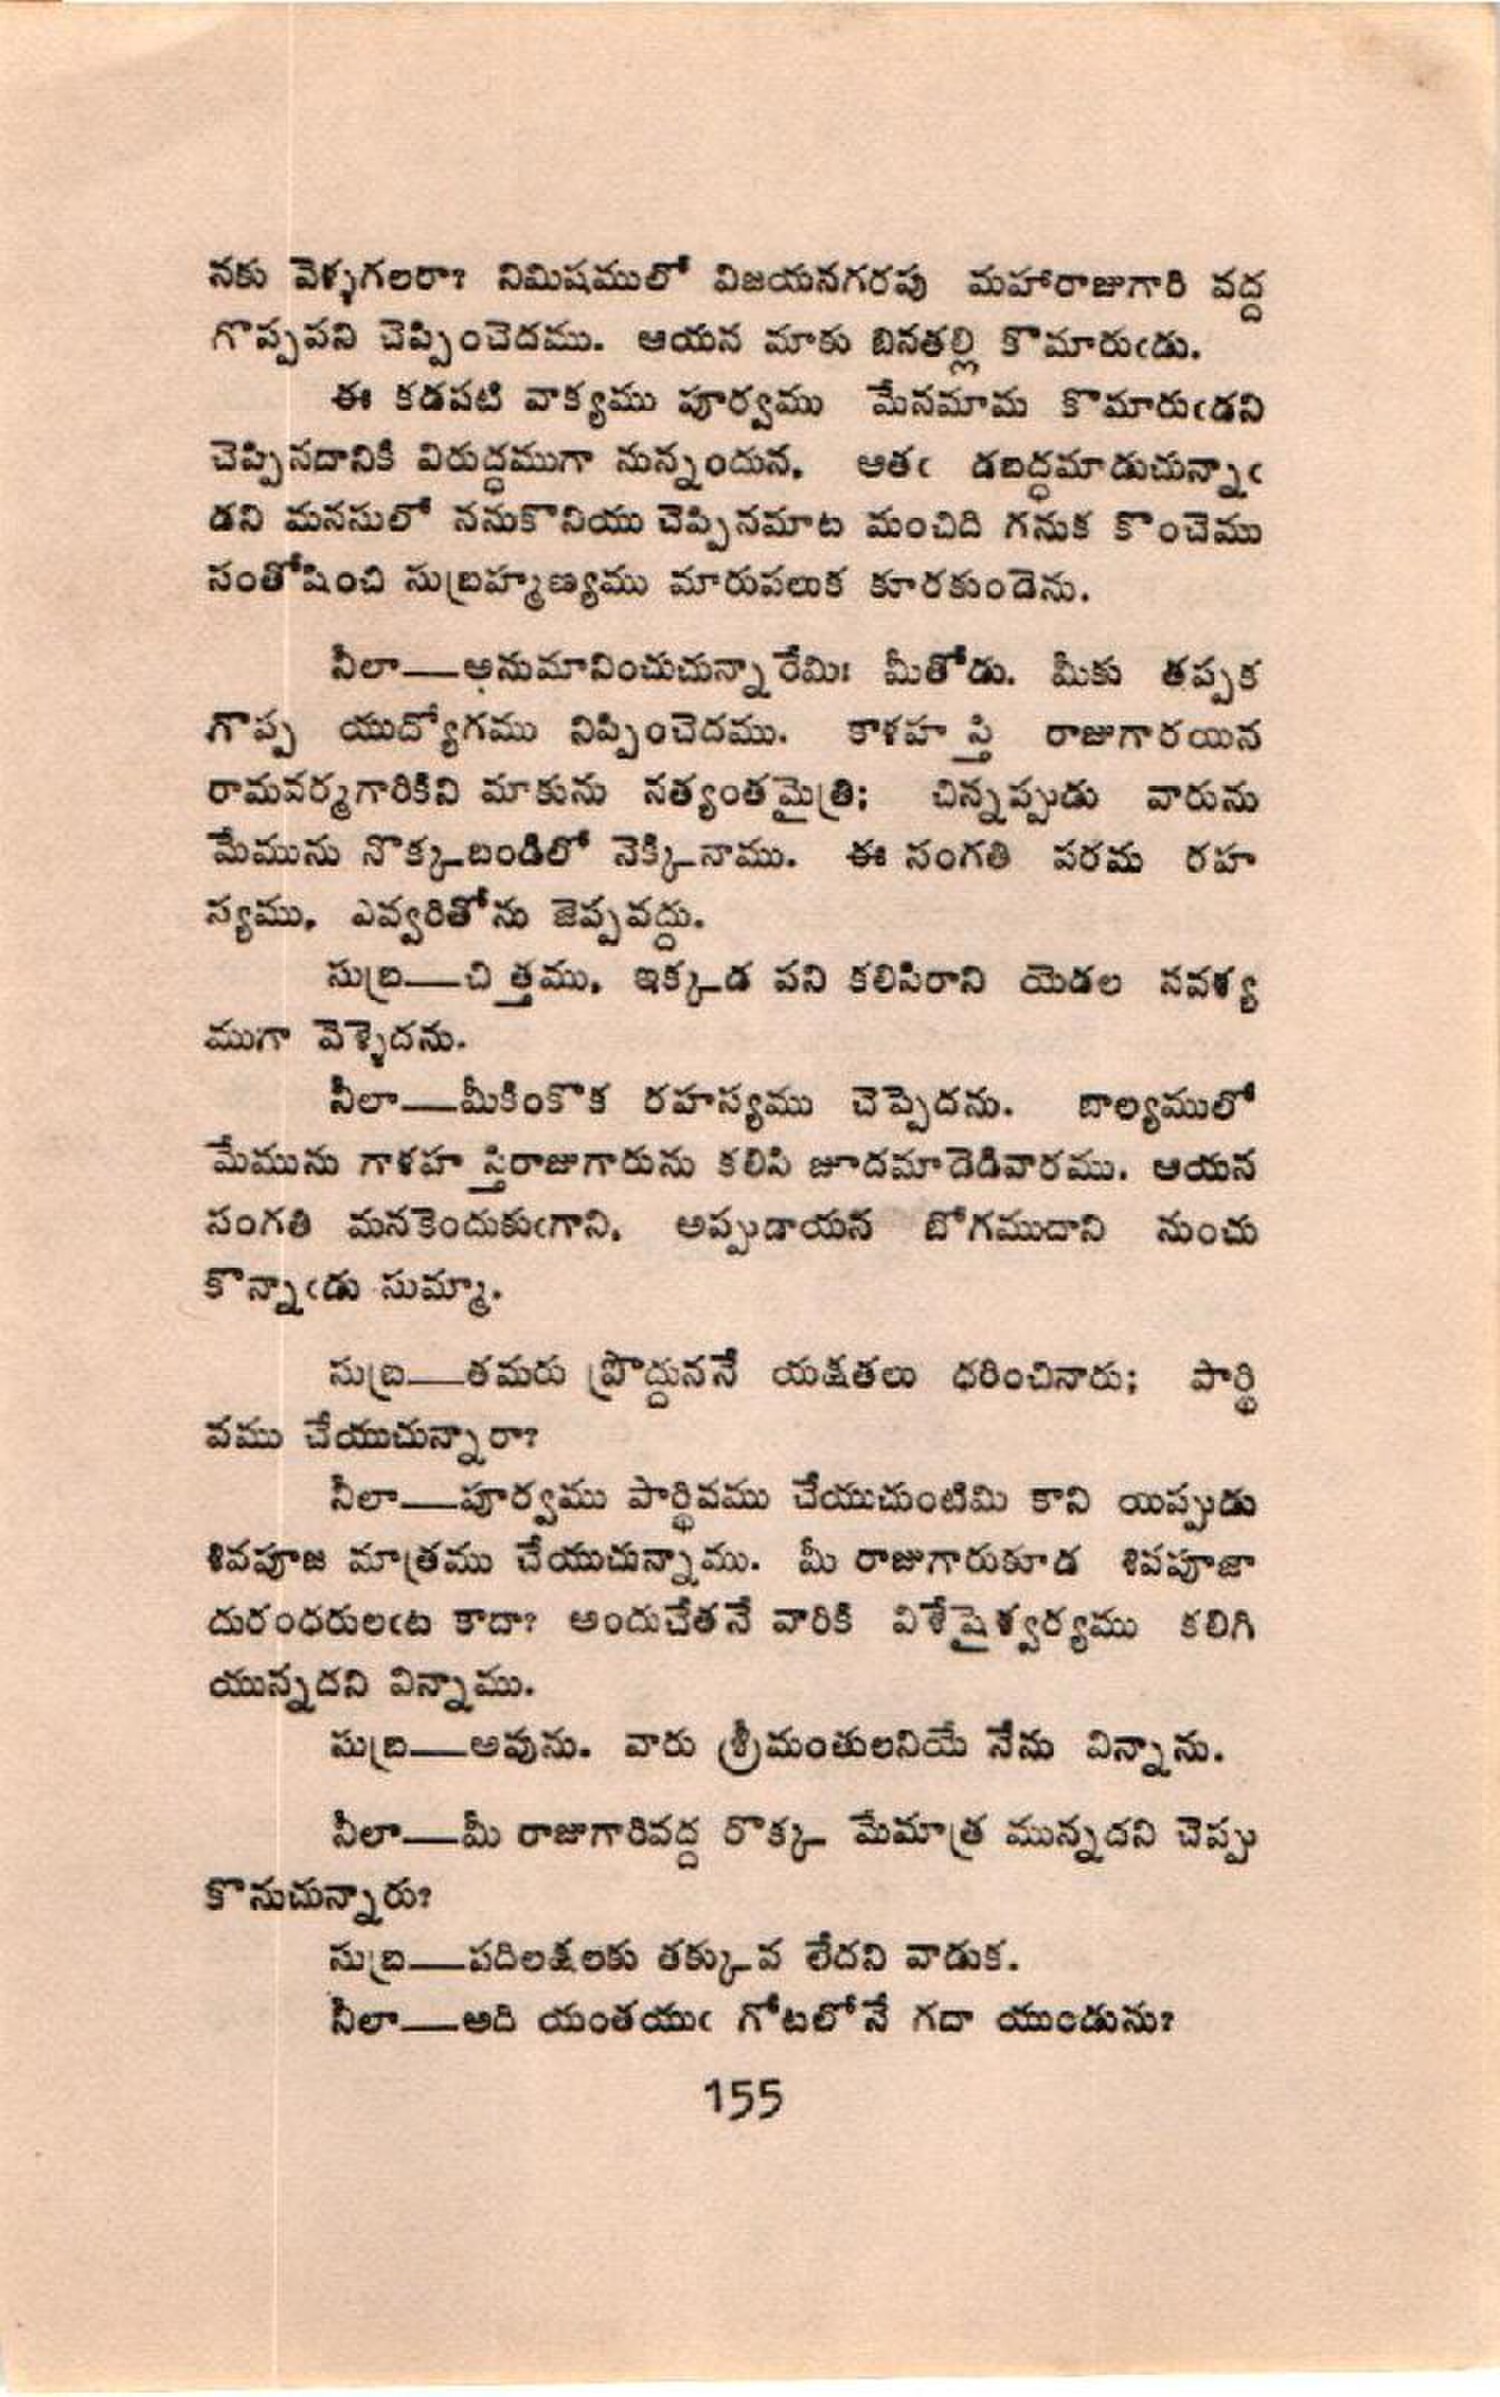నకు వెళ్ళగలరా? నిమిషములో విజయనగరపు మహారాజుగారి వద్ద గొప్పపని చెప్పించెదము. ఆయన మాకు బినతల్లి కొమారుఁడు.

ఈ కడపటి వాక్యము పూర్వము మేనమామ కొమారుఁడని చెప్పినదానికి విరుద్ధముగా నున్నందున, ఆతఁ డబద్దమాడుచున్నా డని మనసులో ననుకొనియు చెప్పినమాట మంచిది గనుక కొంచెము సంతోషించి సుబ్రహ్మణ్యము మారుపలుక కూరకుండెను.

నీలా__అనుమానించుచున్నారేమి! మీతోడు. మీకు తప్పక గొప్ప యుద్యోగము నిప్పించెదము. కాళహస్తి రాజుగారయిన రామవర్మగారికిని మాకును నత్యంత మైత్రి; చిన్నప్పుడు వారును మేమును నొక్క బండిలో నెక్కినాము. ఈ సంగతి పరమ రహ స్యము, ఎవ్వరితోను జెప్పవద్దు.

సుబ్ర__చిత్తము, ఇక్కడ పని కలిసిరాని యెడల నవశ్యముగా వెళ్ళెదను.

నీలా__మీకింకొక రహస్యము చెప్పెదను. బాల్యములో మేమును గాళహస్తిరాజుగారును కలిసి జూదమాడెడివారము. ఆయన సంగతి మనకెందుకుఁగాని, అప్పుడాయన బోగముదాని నుంచు కొన్నాఁడు సుమ్మా.

సుబ్ర__తమరు ప్రొద్దుననే యక్షతలు ధరించినారు; పార్థి వము చేయుచున్నారా?

నీలా__పూర్వము పార్థివము చేయుచుంటిమి కాని యిప్పుడు శివపూజ మాత్రము చేయుచున్నాము. మీ రాజుగారుకూడ శివపూజా దురంధరులఁట కాదా? అందుచేతనే వారికి విశేషైశ్వర్యము కలిగి యున్నదని విన్నాము.

సుబ్ర__అవును. వారు శ్రీమంతులనియే నేను విన్నాను.

నీలా__మీ రాజుగారివద్ద రొక్క మేమాత్ర మున్నదని చెప్పు కొనుచున్నారు?

సుబ్ర_పదిలక్షలకు తక్కువ లేదని వాడుక.

నీలా_అది యంతయుఁ గోటలోనే గదా యుండును?